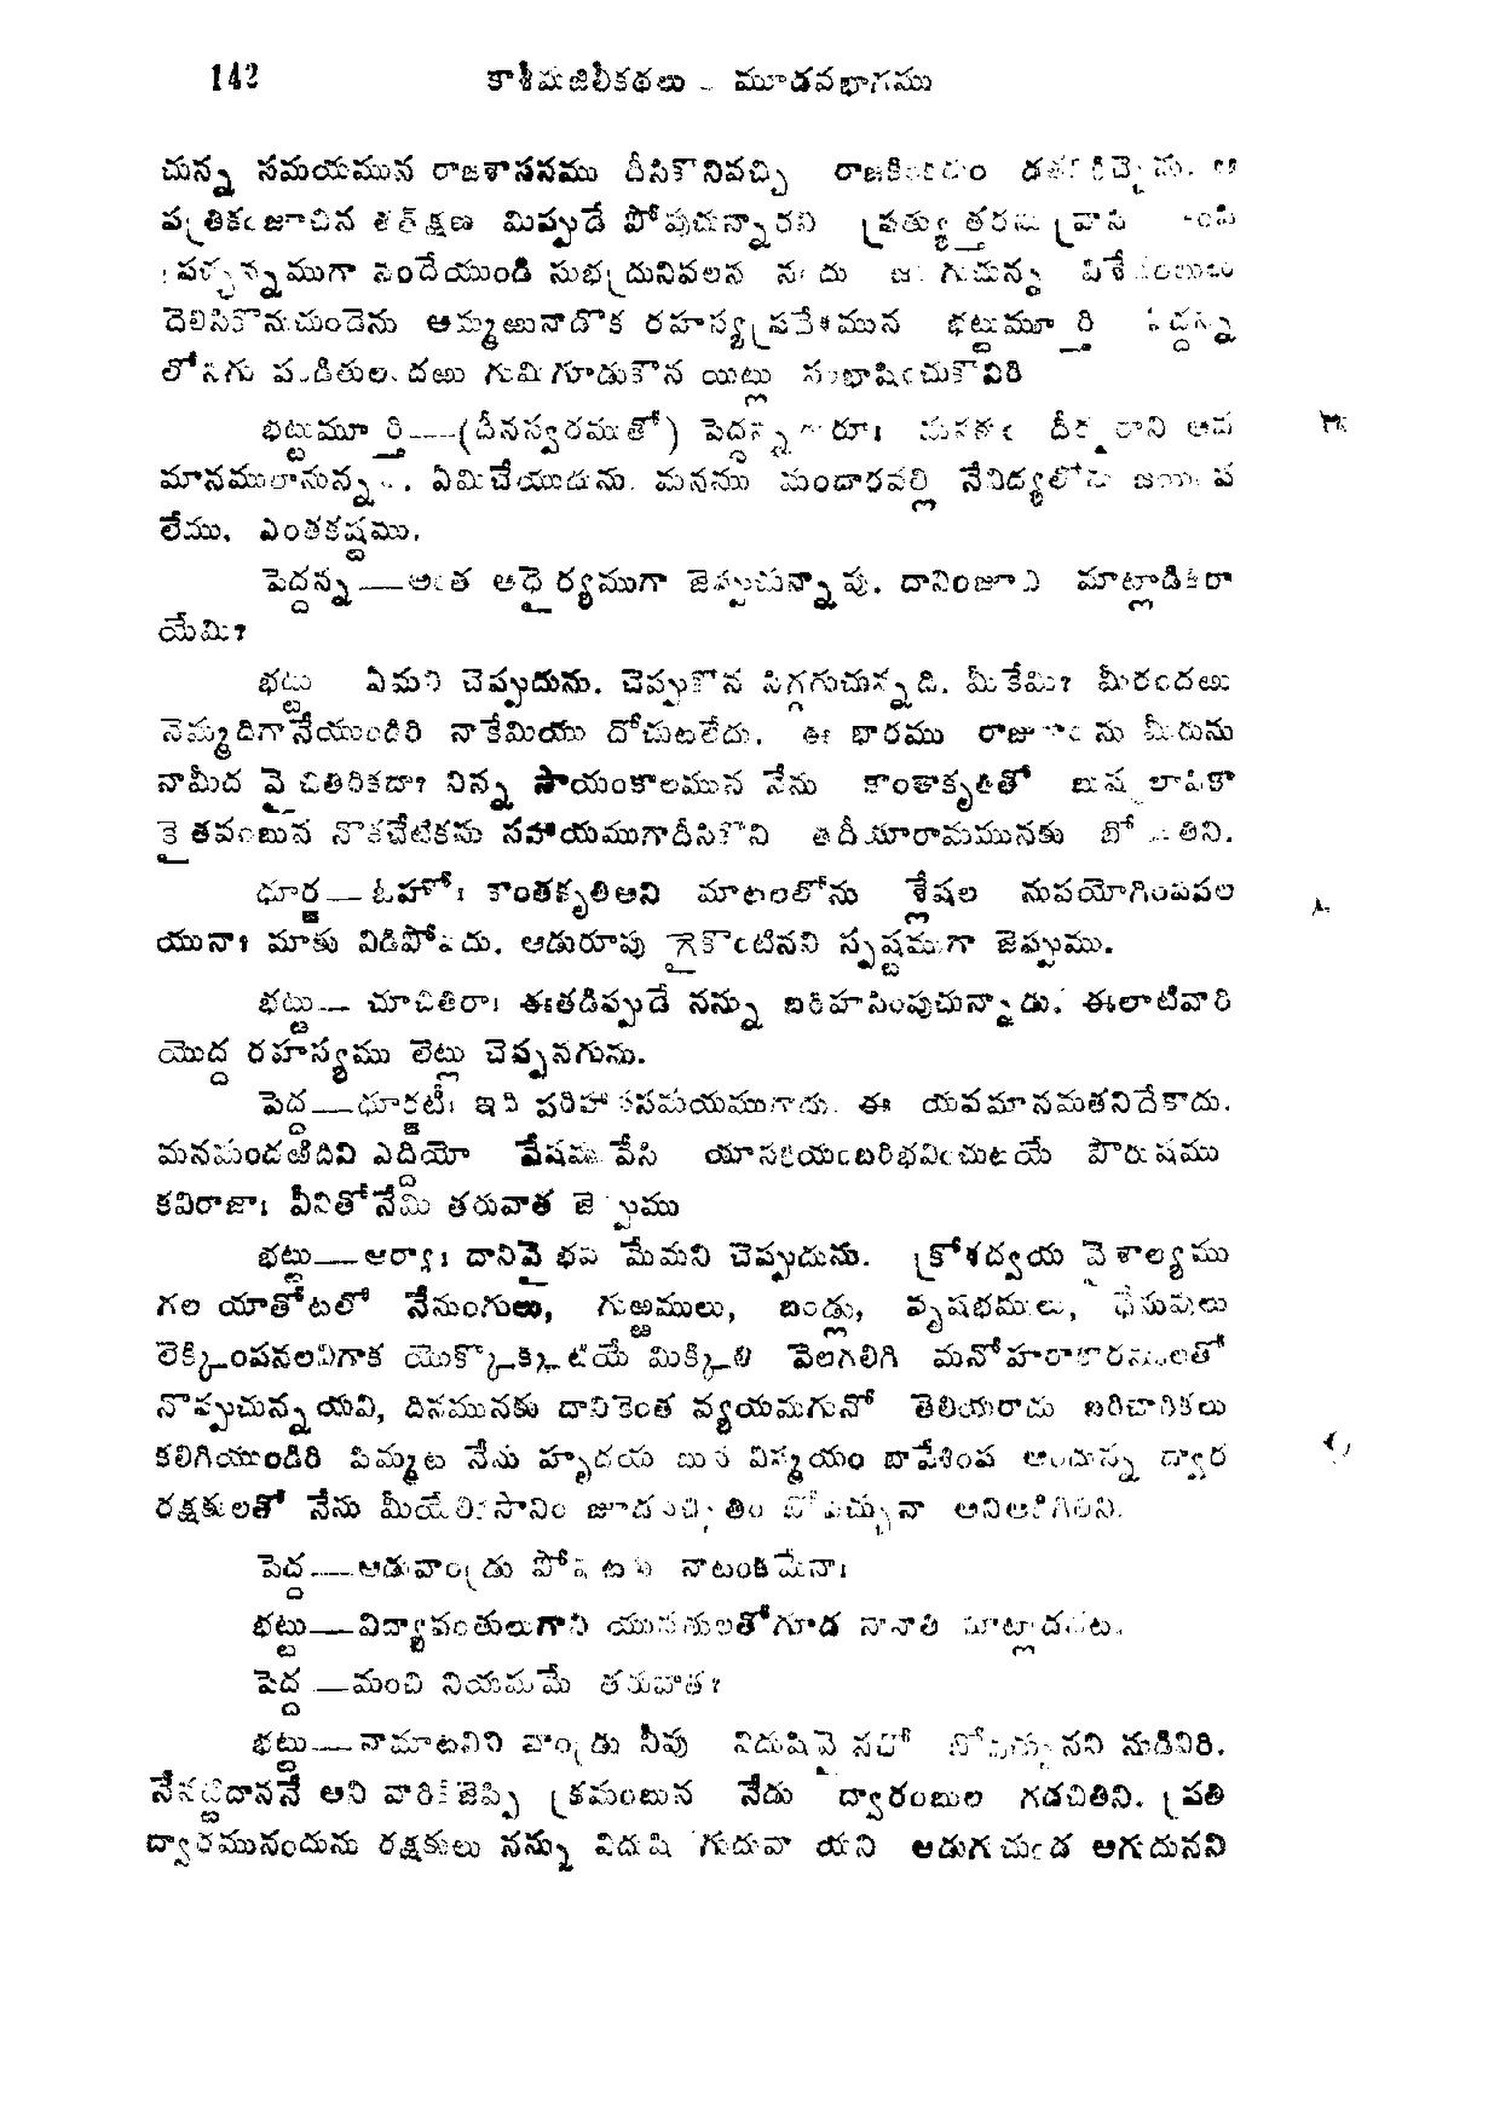చున్న సమయమున రాజశాసనము దీసికొనివచ్చి రాజకింకరుం డతనికిచ్చెను. ఆ పత్రికఁజూచిన తత్క్షణ మిప్పుడే పోవుచున్నారని ప్రత్యుత్తరమువ్రాసి అంపి ప్రచ్ఛన్నముగా నందేయుండి సుభద్రునివలన నందు జరుగుచున్న విశేషంబులు దెలిసికొనుచుండెను అమ్మఱునా డొకరహస్యప్రవేశమున భట్టుమూర్తి పెద్దన్న లోనగు పండితులందఱు గుమిగూడుకొన యిట్లు సంభాషించుకొవిరి

భట్టుమూర్తి -- (దీనస్వరముతో) పెద్దన్నగారూ మనకుఁ దీర్పరాని అవమానమురానున్నది. ఏమి చేయుదును. మనము మందారవల్లి నేవిద్యలోను జయింపలేము. ఎంతకష్టము.

పెద్దన్న --- అంత అధైర్యముగా జెప్పుచున్నావు. దానింజూచి మాట్లాడితిరా యేమి?

భట్టు - ఏమని చెప్పుదును. చెప్పుకొన సిగ్గగుచున్నది. మీకేమి? మీరందఱు నెమ్మదిగానేయుండిరి నా కేమియు దోచుటలేదు. ఈ భారము రాజుగారును మీరును నామీద వైచితిరికదా? నిన్న సాయంకాలమున నేను కాంతాకృతితో బుష్పలావికాకైతవంబున నొకచేటికను సహాయముగాదీసికొని తదీయారామమునకు బోయితినిని.

ధూర్జ -- ఓహో! కాంతకృతిఅని మాటలలోను శ్లేషల నుపయోగింపవలయునా? మాకు విడిపోవదు. ఆడురూపు గైకొంటినని స్పష్టముగా జెప్పుము.

భట్టు - చూచితిరా! ఈత డిప్పుడే నన్ను బరిహసింపుచున్నాడు. ఈలాటివారియొద్ద రహస్యము లెట్లు చెప్పనగును.

పెద్ద -- ధూర్జటీ! ఇది పరిహాససమయముగాదు. ఈ యవమాన మతనిదే కాదు. మనమందఱిదిని ఎద్దియో వేషమువేసి యాసతియంబరిభవించుటయే పౌరుషము కవిరాజా! వీనితోనేమి తరువాత జెప్పుము.

భట్టు - ఆర్యా ! దానివైభవ మేమని చెప్పుదును. క్రోశద్వయ వైశాల్యము గల యాతోటలో నేనుంగులు, గుఱ్ఱములు, బండ్లు, వృషభములు, ధేనువులు లెక్కింపనలవిగాక యెక్కొక్కటియే మిక్కిలి వెలగలిగి మనోహరాకారములతో నొప్పుచున్న యవి, దినమునకు దానికెంత వ్యయమగునో తెలియరాదు బరిచారికలు కలిగియుండిరి పిమ్మట నేను హృదయంబున విస్మయం బావేశింప అందున్న ద్వారరక్షకులతో నేను మీయేలికసానిం జూడవచ్చితిం బోవచ్చునా అని అడిగితిని.

పెద్ద ---- ఆడువాండ్రు పోవుటకు నాటంకమేనా ?

భట్టు --- విద్యావంతులుగాని యువతులతోగూడ నానాతి మాట్లాడదట.

పెద్ద - మంచి నియమమే తరువాత ?

భట్టు - నామాటనిని వాండ్రు నీవు విదుషివైనచో బోవచ్చునని నుడివిరి. నేనట్టిదాననే అని వారికిజెప్పి క్రమంబున నేడు ద్వారంబుల గడచితిని. ప్రతి ద్వారమునందును రక్షకులు నన్ను విదుషియగుదువా యని అడుగచుండ అగుదునని